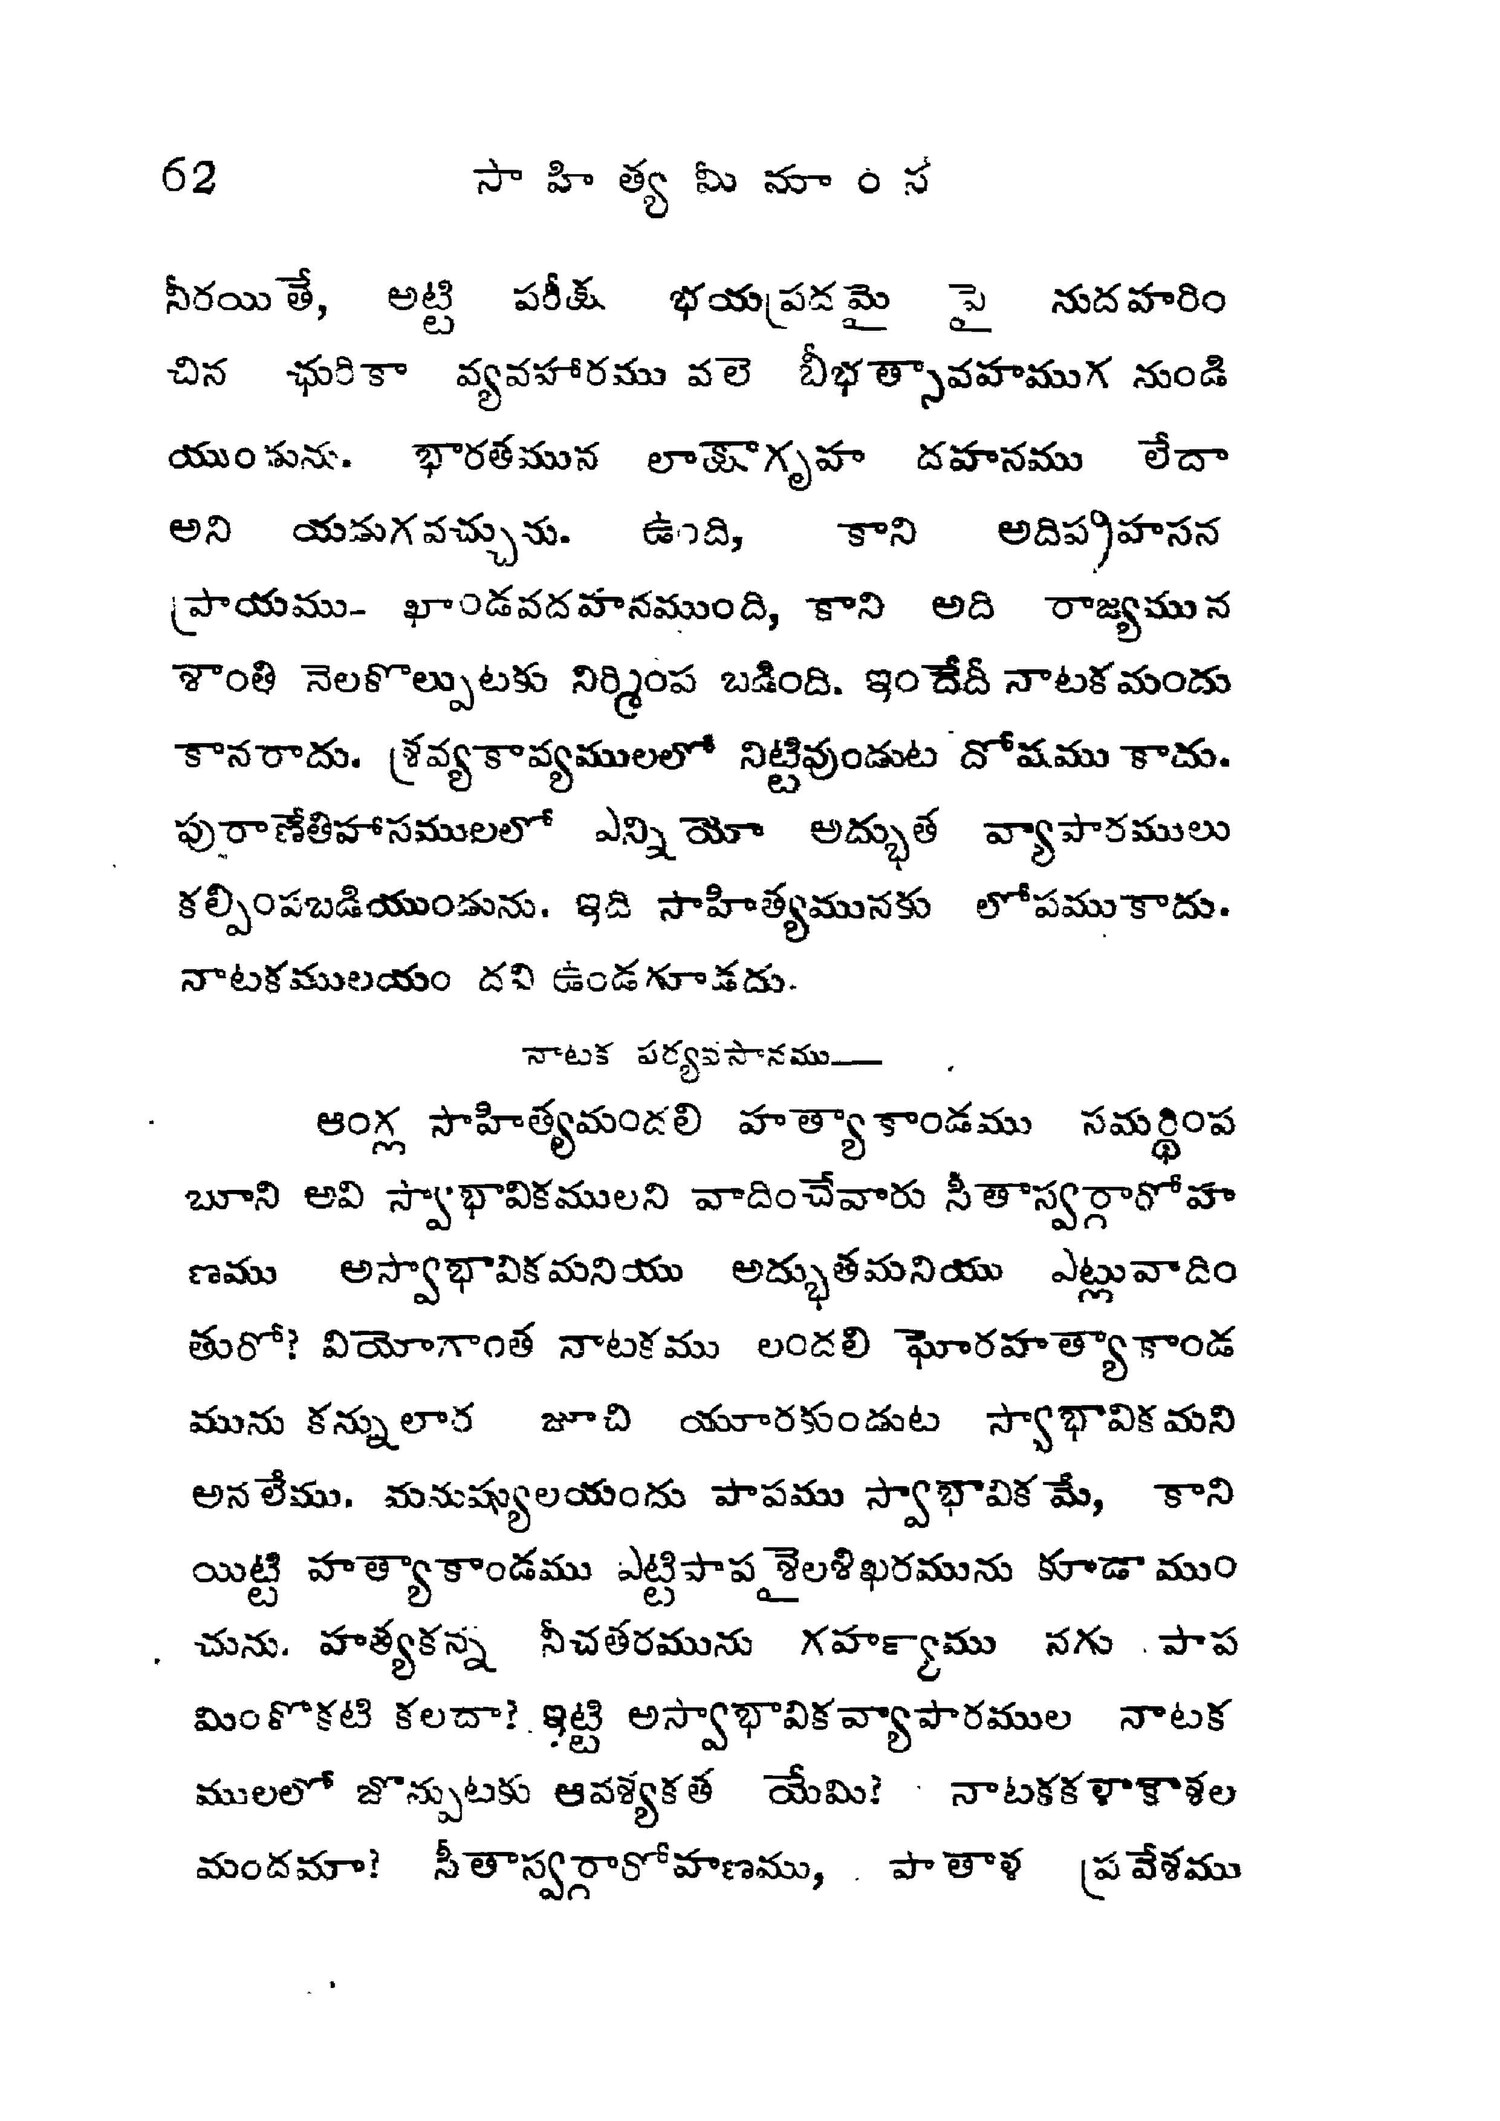నీరయితే, అట్టి పరీక్ష భయప్రదమై పై నుదహరించిన ఛురికా వ్యవహారము వలె బీభత్సావహముగ నుండి యుండును. భారతమున లక్షాగృహ దహనము లేదా అని యడుగవచ్చును. ఉంది, కాని అదిప్రహసన ప్రాయము - ఖాండావదహనముంది, కాని అది రాజ్యమున శాంతి నెలకొల్పుటకు నిర్మింప బడింది. ఇందేదీ నాటకమందు కానరాదు. శ్రవ్యకావ్యములలో నిట్టివుండుట దోషము కాదు. పుర్రాణేతిహాసములలో ఎన్నియో అద్భుత వ్యాపారములు కల్పింపబడియుండును. ఇది సాహిత్యమునకు లోపముకాదు. నాటకములయం దవి ఉండగూడదు.

ఆంగ్ల సాహిత్యమందలి హత్యాకాండము సమర్థింప బూని అవి స్వాభావికములని వాదించేవారు సీతాస్వర్గారోహణము అస్వాభావికమనియు అద్భుతమనియు ఎట్లువాదింతురో? వియోగాంత నాటకము లందలి గోరహత్యాకాండమును కన్నులార జూచి యూరకుండుట స్వాభావికమని అనలేము. మనుష్యులయందు పాపము స్వాభావికమే, కాని యిట్టి హత్యాకాండము ఎట్టిపాపశైలశిఖరమును కూడా ముంచును. హత్యకన్న నీచతరమును గహ్న్యము నగు పాప మింకొకటి కలదా? ఇట్టి అస్వాభావికవ్యాపారముల నాటకములలో జొన్పుటకు ఆవశ్యకత యేమి? నాటకకళాకౌశల మందమా? సీతాస్వర్గారోహణము, పాతాళ ప్రవేశము